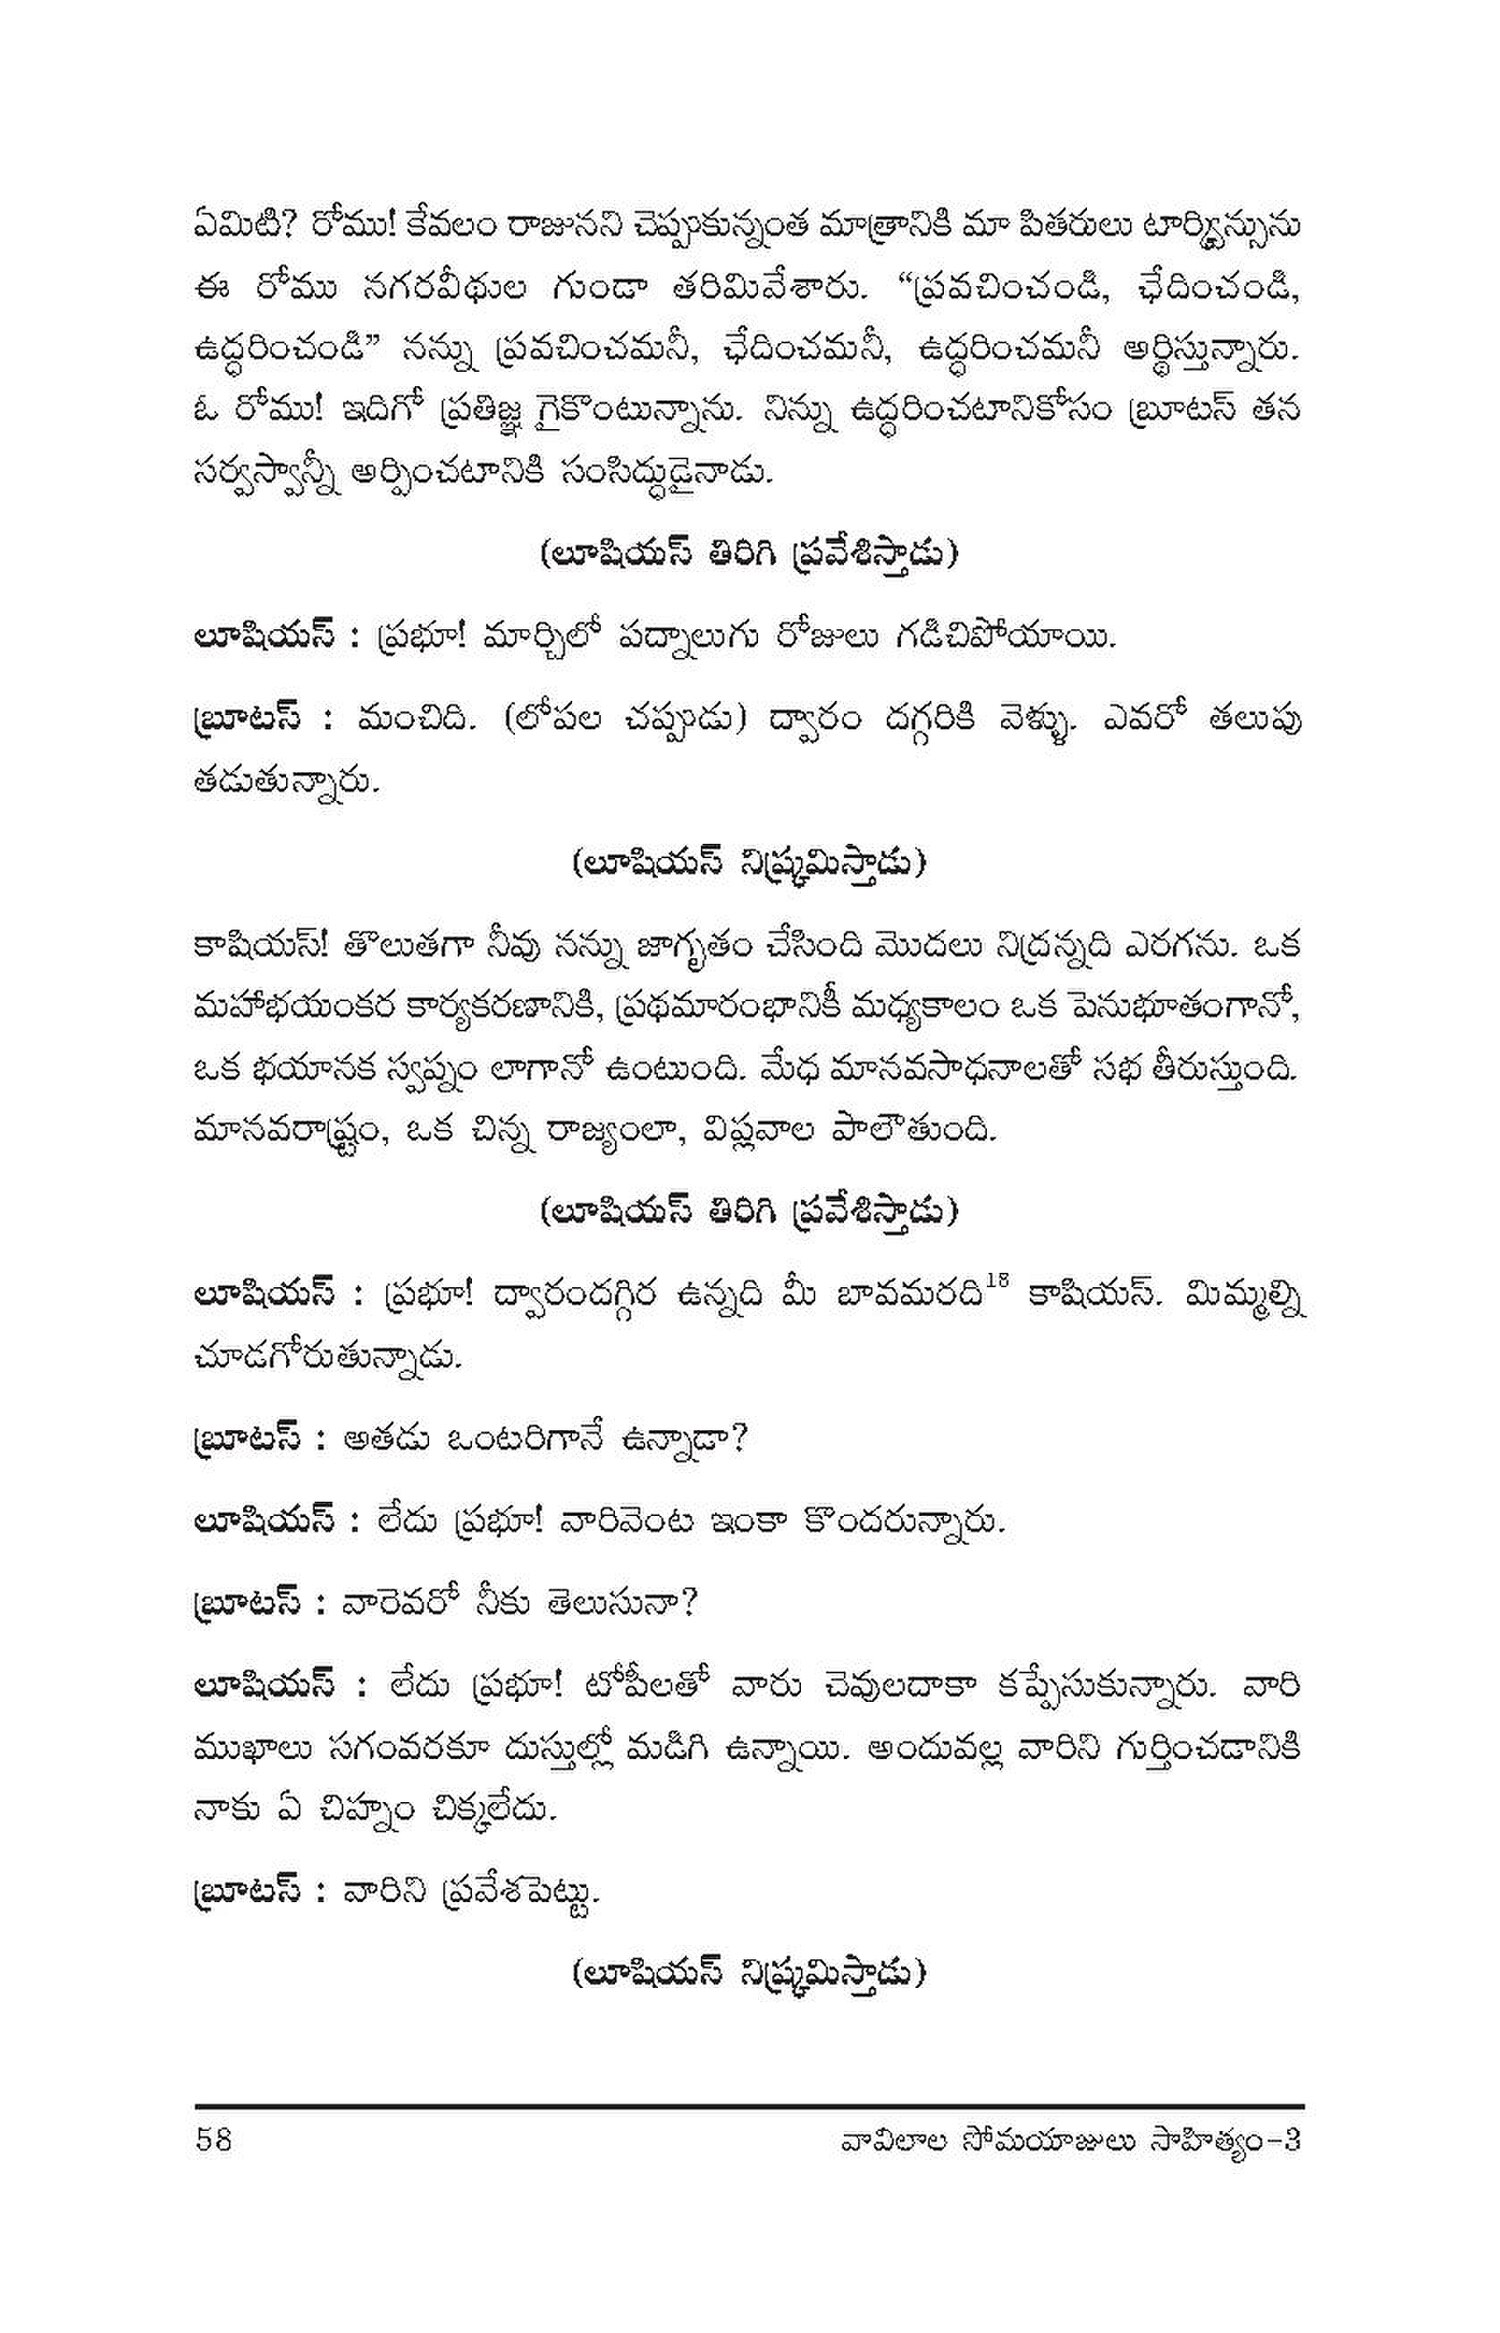ఏమిటి? రోము! కేవలం రాజునని చెప్పుకున్నంత మాత్రానికి మా పితరులు టార్క్విన్సును ఈ రోము నగరవీధుల గుండా తరిమివేశారు. "ప్రవచించండి, ఛేదించండి, ఉద్ధరించండి" నన్ను ప్రవచించమనీ, ఛేదించమనీ, ఉద్దరించమని అర్థిస్తున్నారు. ఓ రోము! ఇదిగో ప్రతిజ్ఞ గైకొంటున్నాను. నిన్ను ఉద్దరించటానికోసం బ్రూటస్ తన సర్వస్వాన్నీ అర్పించటానికి సంసిద్ధుడైనాడు.

లూషియస్ : ప్రభూ! మార్చిలో పద్నాలుగు రోజులు గడిచిపోయాయి.

బ్రూటస్ : మంచిది. (లోపల చప్పుడు) ద్వారం దగ్గరికి వెళ్ళు. ఎవరో తలుపు తడుతున్నారు.

కాషియస్! తొలుతగా నీవు నన్ను జాగృతం చేసింది మొదలు నిద్రన్నది ఎరగను. ఒక మహాభయంకర కార్యకరణానికి, ప్రథమారంభానికీ మధ్యకాలం ఒక పెనుభూతంగానో, ఒక భయానక స్వప్నం లాగానో ఉంటుంది. మేధ మానవసాధనాలతో సభ తీరుస్తుంది. మానవరాష్ట్రం, ఒక చిన్న రాజ్యంలా, విప్లవాల పాలౌతుంది.

లూషియస్ : ప్రభూ! ద్వారందగ్గిర ఉన్నది మీ బావమరది " కాషియస్. మిమ్మల్ని చూడగోరుతున్నాడు.

బ్రూటస్ : అతడు ఒంటరిగానే ఉన్నాడా?

లూషియస్ : లేదు ప్రభూ! వారివెంట ఇంకా కొందరున్నారు.

బ్రూటస్ : వారెవరో నీకు తెలుసునా?

లూషియస్ : లేదు ప్రభూ! టోపీలతో వారు చెవులదాకా కప్పేసుకున్నారు. వారి ముఖాలు సగంవరకూ దుస్తుల్లో మడిగి ఉన్నాయి. అందువల్ల వారిని గుర్తించడానికి నాకు ఏ చిహ్నం చిక్కలేదు.

బ్రూటస్ : వారిని ప్రవేశపెట్టు.